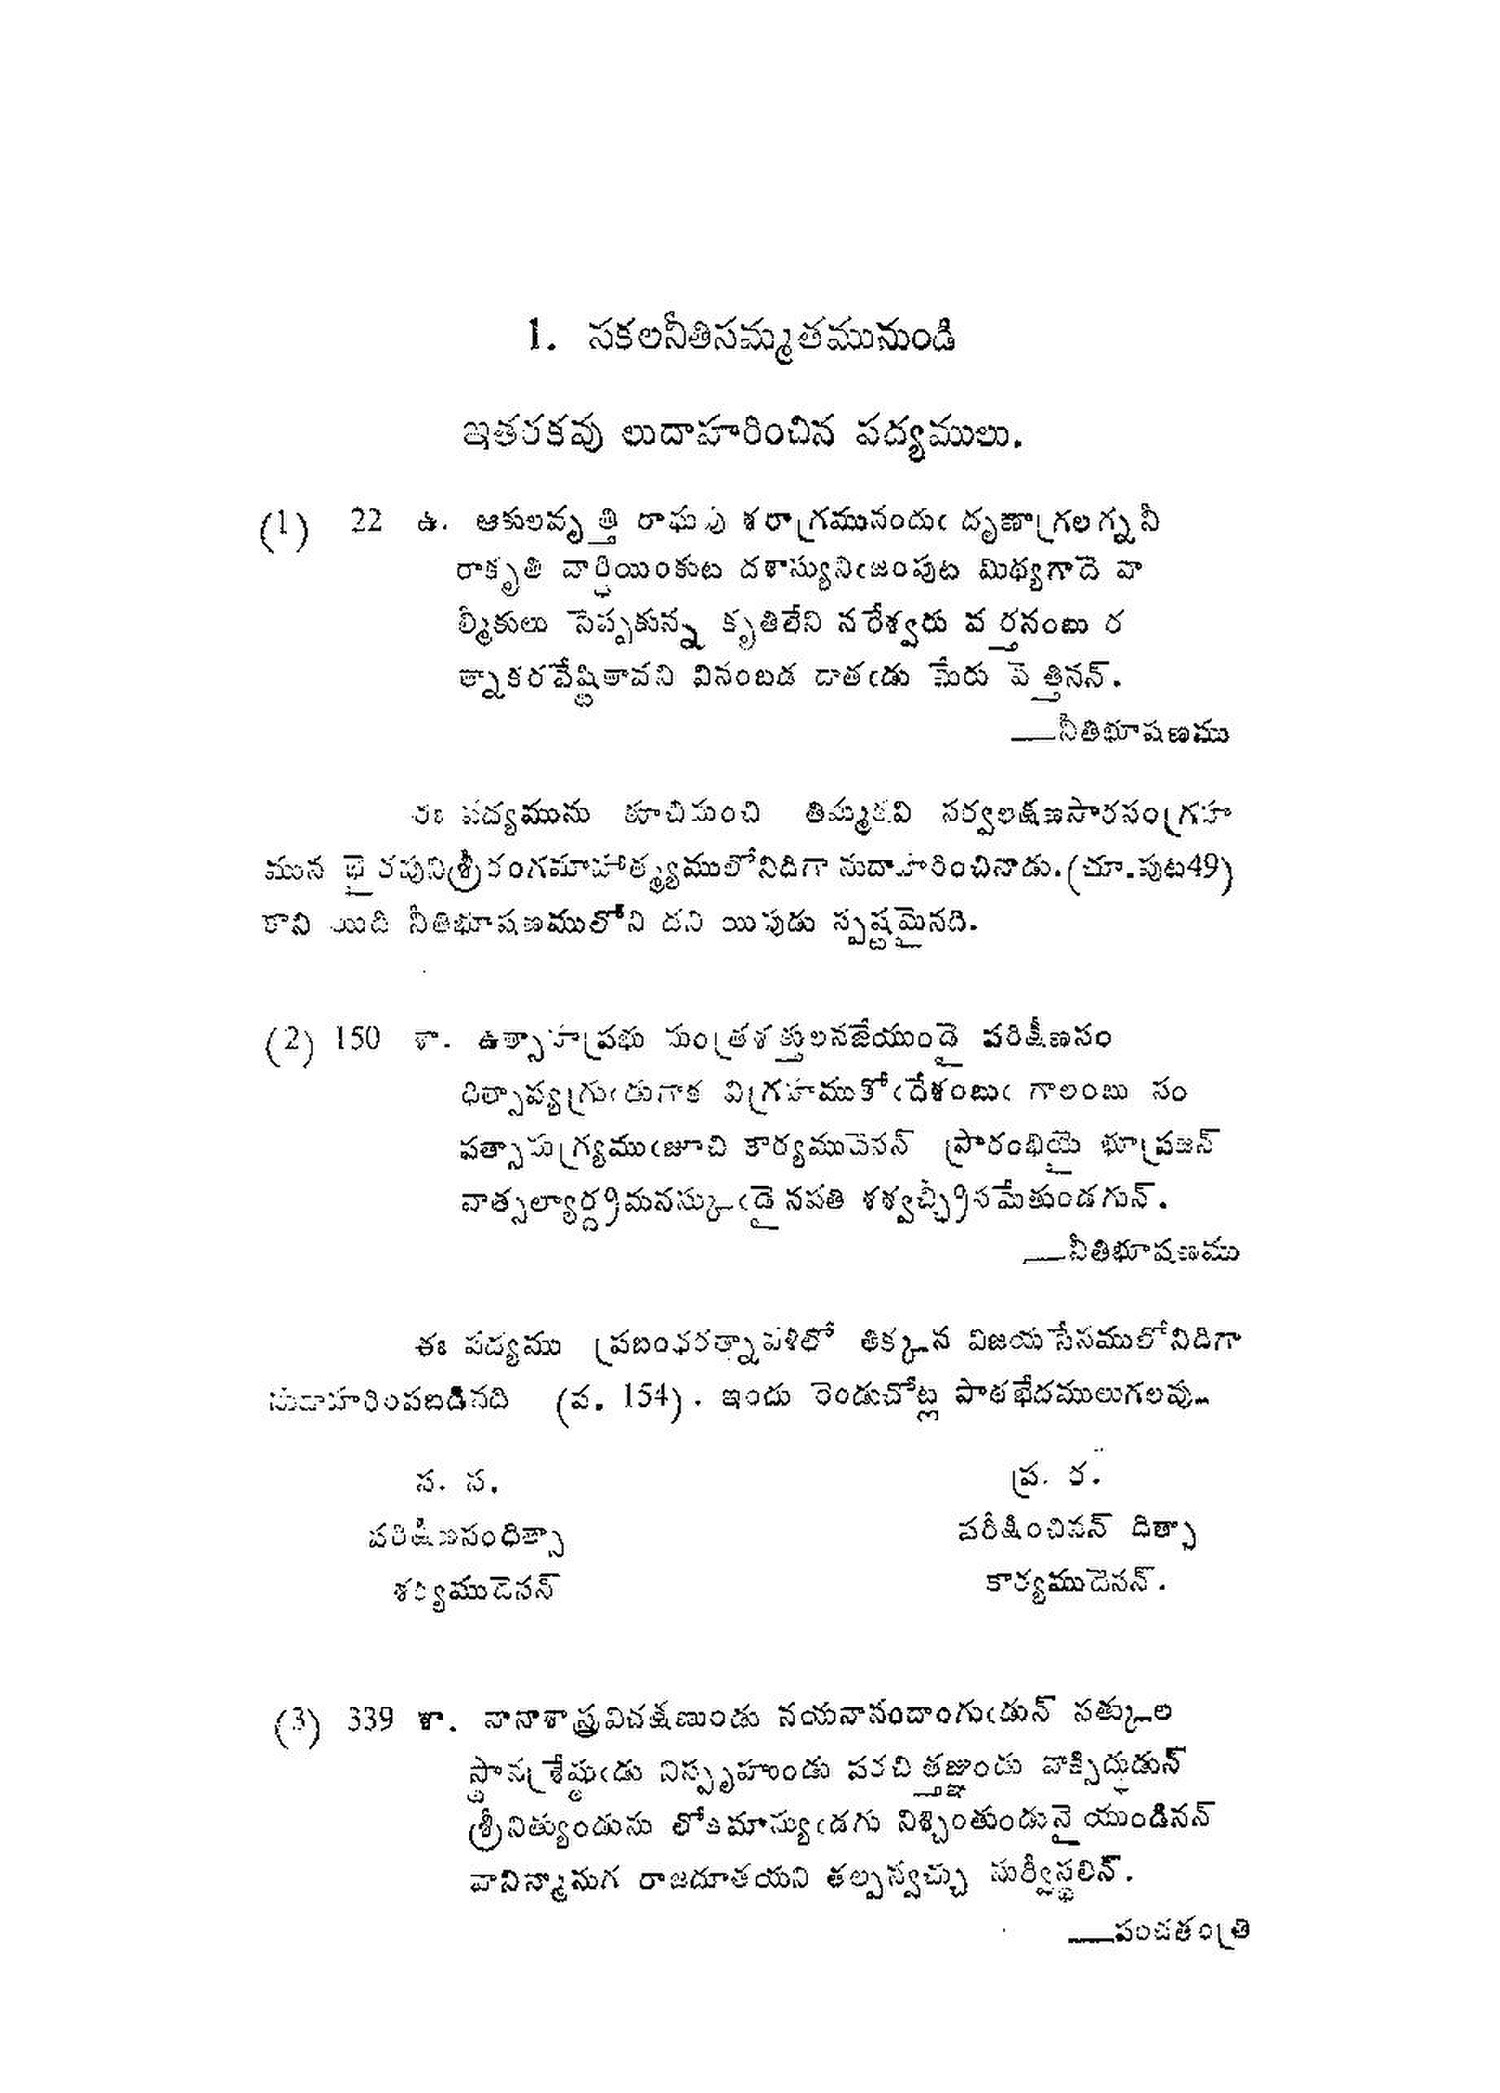(1) 22 ఉ. ఆకులవృత్తి రాఘవు శరాగ్రమునందుఁ దృణాగ్నలగ్న నీ
రాకృతి వార్థి యింకుట దశాస్యునిఁ జంపుట మిథ్య గాదె వా
ల్మీకులు సెప్పకున్న కృతిలేని నరేశ్వరు వర్తనంబు ర
త్నాకరవేష్టితావని వినంబడ దాతఁడు మేరు వెత్తినన్. 

ఈ పద్యమును కూచిమంచి తిమ్మకవి సర్వలక్షణసారసంగ్రహమున భైరవుని శ్రీరంగమాహాత్మ్యములోనిదిగా నుదాహరించినాడు. (చూ. పుట49) కాని యిది నీతిభూషణములోనిదని యిపుడు స్పష్టమైనది.

(2) 150 శా. ఉత్సాహప్రభుమంత్రశక్తుల నజేయుండై పరిక్షీణసం
ధత్సావ్యగ్రుఁడు గాక విగ్రహముచో దేశంబు గాలంబు సం
పత్సామగ్ర్యముఁ జూచి కార్యము దెసన్ బ్రారంభియై భూప్రజన్
వాత్సుల్యార్ద్రమనస్కుఁ డైన పతి శశ్వచ్ఛ్రీసమేతుం డగున్. 

ఈ పద్యము ప్రబంధరత్నావళిలో తిక్కన విజయసేనములోనిదిగా నుదాహరింపబడినది (ప. 154) . ఇందు రెండుచోట్ల పాఠభేదములుగలవు—
స. ప. పరిక్షీణసంధిత్సా....శక్యముదెసన్
ప్ర. ర. పరీక్షించినన్ దిత్సా..... కార్యము దెసన్.
(3) 339 శా. నానాశాస్త్రవిచక్షణుండు నయనానందాంగుఁడున్ సత్కుల
స్థానశ్రేష్ఠుఁడు నిస్పృహుండు పరచిత్తజ్ఞుండు వాక్సిద్ధుఁడున్
శ్రీనిత్యుండును లోకమాన్యుఁడగు నిశ్చింతుండు నై యుండినన్
వానిన్ మానుగ రాజదూత యని తల్పన్ వచ్చు నుర్వీస్థలిన్.